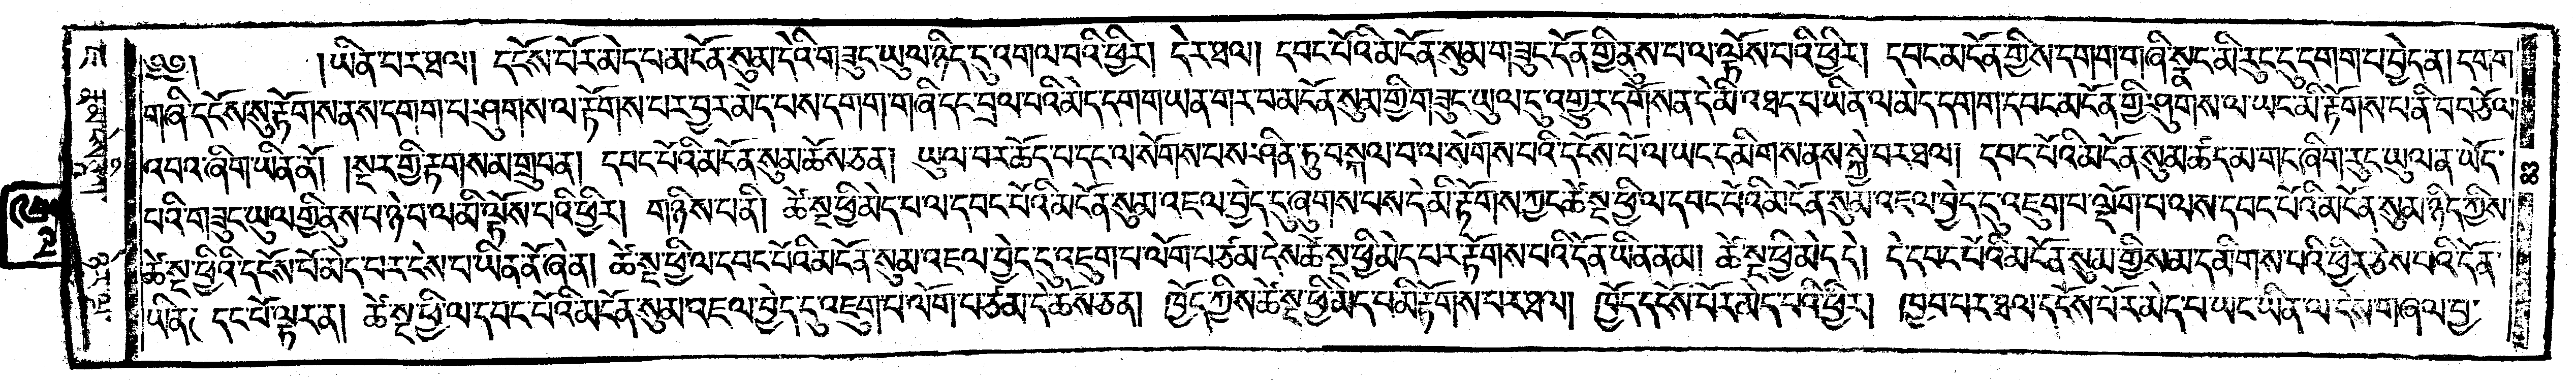༄༅། །ཡིན་པར་ཐལ། དངོས་པོར་མེད་པ་མངོན་སུམ་དེའི་གཟུང་ཡུལ་ཉིད་དུ་འགལ་བའི་ཕྱིར། དེར་ཐལ། དབང་པོའི་མངོན་སུམ་གཟུང་དོན་གྱི་ནུས་པ་ལ་ལྟོས་པའི་ཕྱིར། དབང་མངོན་གྱིས་དགག་གཞི་སྣང་མི་རུང་དུ་དགག་པ་བྱེད་ན། དགག་
གཞི་དངོས་སུ་རྟོགས་ནས་དགག་པ་ཤུགས་ལ་རྟོགས་པར་བྱར་མེད་པས་དགག་གཞི་དང་བྲལ་བའི་མེད་དགག་ཡན་གར་བ་མངོན་སུམ་གྱི་གཟུང་ཡུལ་དུ་འགྱུར་དགོས་ན་དེ་མི་འཐད་པ་ཡིན་ལ་མེད་དགག་དབང་མངོན་གྱི་ཤུགས་ལ་ཡང་མི་རྟོགས་པ་ནི་བབ་ཅོལ་
འབའ་ཞིག་ཡིན་ནོ། །སྔར་གྱི་རྟགས་མ་གྲུབ་ན། དབང་པོའི་མངོན་སུམ་ཆོས་ཅན། ཡུལ་བར་ཆོད་པ་དང་ལ་སོགས་པས་ཤིན་ཏུ་བསྐལ་བ་ལ་སོགས་པའི་དངོས་པོ་ལ་ཡང་དམིགས་ནས་སྐྱེ་བར་ཐལ། དབང་པོའི་མངོན་སུམ་ཚད་མ་གང་ཞིག་རུང་ཡུལ་ན་ཡོད་
པའི་གཟུང་ཡུལ་གྱི་ནུས་པ་ཉེ་བ་ལ་མི་ལྟོས་པའི་ཕྱིར། གཉིས་པ་ནི། ཚེ་སྔ་ཕྱི་མེད་པ་ལ་དབང་པོའི་མངོན་སུམ་འཇལ་བྱེད་དུ་ཞུགས་པས་དེ་མི་རྟོགས་ཀྱང་ཚེ་སྔ་ཕྱི་ལ་དབང་པོའི་མངོན་སུམ་འཇལ་བྱེད་དུ་འཇུག་པ་ལྡོག་པ་ལས་དབང་པོའི་མངོན་སུམ་ཉིད་ཀྱིས་
ཚེ་སྔ་ཕྱིའི་དངོས་པོ་མེད་པར་ངེས་པ་ཡིན་ནོ་ཞེ་ན། ཚེ་སྔ་ཕྱི་ལ་དབང་པོའི་མངོན་སུམ་འཇལ་བྱེད་དུ་འཇུག་པ་ལོག་པ་ཙམ་དེས་ཚེ་སྔ་ཕྱི་མེད་པར་རྟོགས་པའི་དོན་ཡིན་ནམ། ཚེ་སྔ་ཕྱི་མེད་དེ། དེ་དབང་པོའི་མངོན་སུམ་གྱིས་མ་དམིགས་པའི་ཕྱིར་ཅེས་པའི་དོན་
ཡིན། དང་པོ་ལྟར་ན། ཚེ་སྔ་ཕྱི་ལ་དབང་པོའི་མངོན་སུམ་འཇལ་བྱེད་དུ་འཇུག་པ་ལོག་པ་ཙམ་དེ་ཆོས་ཅན། ཁྱོད་ཀྱིས་ཚེ་སྔ་ཕྱི་མེད་པ་མི་རྟོགས་པར་ཐལ། ཁྱོད་དངོས་པོར་མེད་པའི་ཕྱིར། ཁྱབ་པར་ཐལ་དངོས་པོར་མེད་པ་ཡང་ཡིན་ལ་དེས་གཞལ་བྱ་